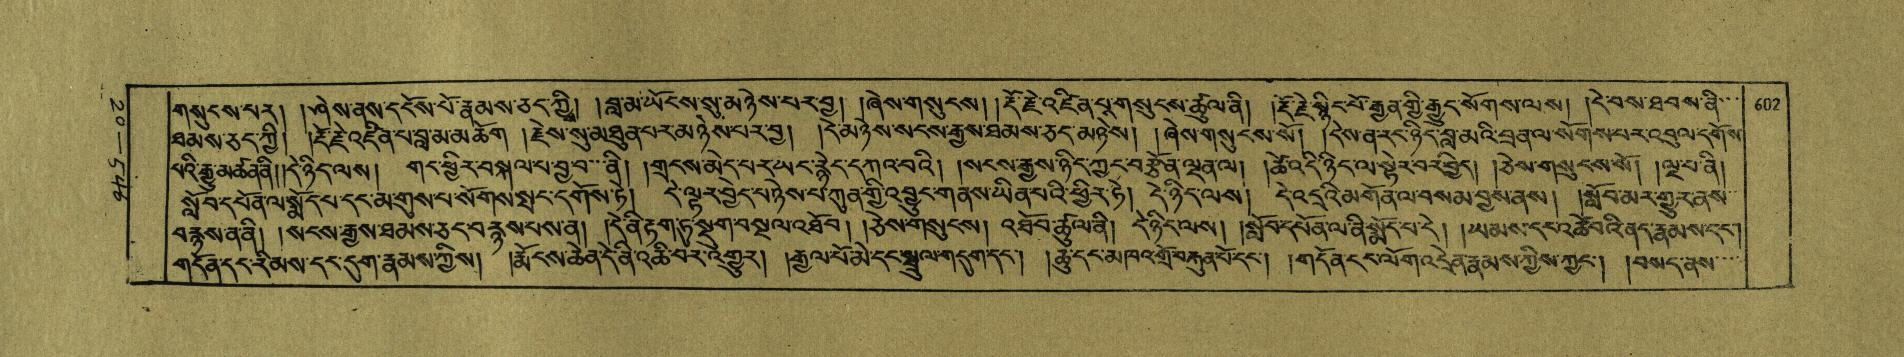གསུངས་པར། །ཤེས་ནས་དངོས་པོ་རྣམས་ཅད་ཀྱིས། །བླ་མ་ཡོངས་སུ་མཉེས་པར་བྱ། །ཞེས་གསུངས། །རྡོ་རྗེ་འཛིན་པས་གསུངས་ཚུལ་ནི། །རྡོ་རྗེ་སྙིང་པོ་རྒྱན་གྱི་རྒྱུད་སོགས་ལས། །དེ་བས་ཐབས་ནི་
ཐམས་ཅད་ཀྱི། །རྡོ་རྗེ་འཛིན་པ་བླ་མ་མཆོག །རྗེས་སུ་མཐུན་པར་མཉེས་པར་བྱ། །དེ་མཉེས་སངས་རྒྱས་ཐམས་ཅད་མཉེས། །ཞེས་གསུངས་སོ། །དེས་ན་རང་ཉིད་བླ་མའི་བྲན་ལ་སོགས་པར་འབུལ་དགོས་
པའི་རྒྱུ་མཚན་ནི། །དེ་ཉིད་ལས། གང་ཕྱིར་བསྐལ་པ་བྱ་བ་ནི། །གྲངས་མེད་པར་ཡང་རྙེད་དཀའ་བའི། །སངས་རྒྱས་ཉིད་ཀྱང་བརྩོན་ལྡན་ལ། །ཚེ་འདི་ཉིད་ལ་སྟེར་བར་བྱེད། །ཅེས་གསུངས་སོ། །ལྔ་པ་ནི།
སློབ་དཔོན་ལ་སྨོད་པ་དང་མ་གུས་པ་སོགས་སྤང་དགོས་ཏེ། དེ་ལྟར་བྱེད་པ་ཉེས་པ་ཀུན་གྱི་འབྱུང་གནས་ཡིན་པའི་ཕྱིར་ཏེ། དེ་ཉིད་ལས། དེ་འདྲའི་མགོན་ལ་བསམ་བྱས་ནས། །སློབ་མར་གྱུར་ནས་
བརྙས་ན་ནི། །སངས་རྒྱས་ཐམས་ཅད་བརྙས་པས་ན། །དེ་ནི་རྟག་ཏུ་སྡུག་བསྔལ་འཐོབ། །ཅེས་གསུངས། འཐོབ་ཚུལ་ནི། དེ་ཉིད་ལས། །སློབ་དཔོན་ལ་ནི་སྨོད་པ་དེ། །ཡམས་དང་འཚེ་བའི་ནད་རྣམས་དང་།
གདོན་དང་རིམས་དང་དུག་རྣམས་ཀྱིས། །རྨོངས་ཆེན་དེ་ནི་འཆི་བར་འགྱུར། །རྒྱལ་པོ་མེ་དང་སྦྲུལ་གདུག་དང་། །ཆུ་དང་མཁའ་གྲོ་བརྐུན་པོ་དང་། །གདོན་དང་ལོག་འདྲེན་རྣམས་ཀྱིས་ཀྱང་། །བསད་ནས་